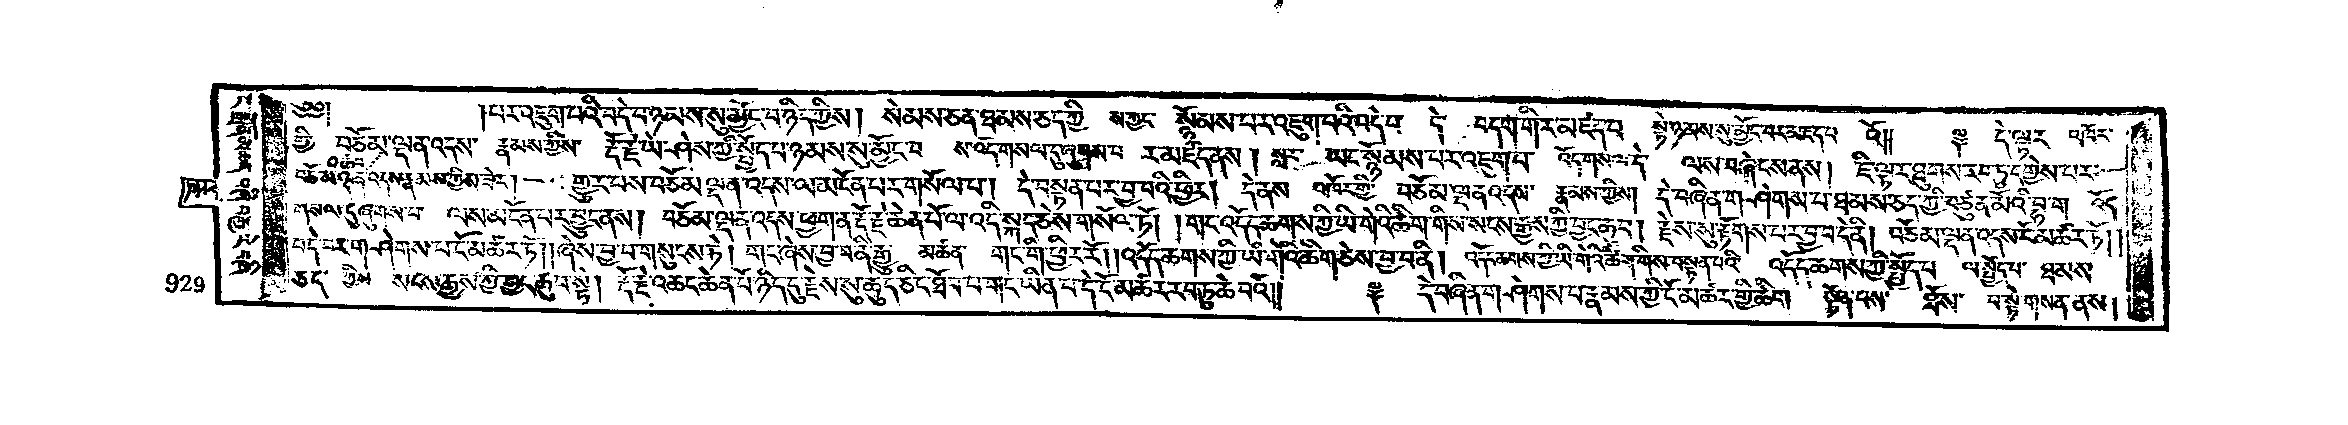༄༅། །པར་འཇུག་པའི་བདེ་བ་ཉམས་སུ་མྱོང་བ་ཉིད་ཀྱིས། སེམས་ཅན་ཐམས་ཅད་ཀྱི་ས་ཀྱང་སྙོམས་པར་འཇུག་པའི་བདེ་བ་དེ་བདག་གིར་མཛད་པ་སྟེ་ཉམས་སུ་མྱོང་བར་མཛད་པའོ།། ༈ དེ་ལྟར་འཁོར་
གྱི་བཅོམ་ལྡན་འདས་རྣམས་ཀྱིས་རྡོ་རྗེ་ཡེ་ཤེས་ཀྱི་སྤྱོད་པ་ཉམས་སུ་མྱོང་བ་ས་འོད་གསལ་དུ་ཞུགས་པར་མཛད་ནས། སླར་ཡང་སྙོམས་པར་འཇུག་པ་འོད་གསལ་དེ་ལས་བཞེངས་ནས། ཇི་ལྟར་ཐུགས་རབ་ཏུ་དགྱེས་པརཿ
བཅོམ་པ་ཚབ་ལྡན་འདས་རྣམས་ཀྱིས་ཟེར།  .Hགྱུར་པས་བཅོམ་ལྡན་འདས་ལ་མངོན་པར་གསོལ་པ། དེ་བསྟན་པར་བྱ་བའི་ཕྱིར། དེ་ནས་འཁོར་གྱི་བཅོམ་ལྡན་འདས་རྣམས་ཀྱིས།  དེ་བཞིན་གཤེགས་པ་ཐམས་ཅད་ཀྱི་བཙུན་མོའི་བྷ་ག་འོད་
གསལ་དུ་ཞུགས་པ་ལས་མངོན་པར་བྱུང་ནས། བཅོམ་ལྡན་འདས་ཕྱག་ན་རྡོ་རྗེ་ཆེན་པོ་ལ་འདི་སྐད་ཅེས་གསོལ་ཏོ། །གང་འདོད་ཆགས་ཀྱི་ཡི་གེའི་ཚིག་གིས་སངས་རྒྱས་ཀྱི་བྱང་ཆུབ། རྗེས་སུ་རྟོགས་པར་བྱ་བ་དེ་ནི། བཅོམ་ལྡན་འདས་ངོ་མཚར་ཏོ། །
བདེ་བར་གཤེགས་པ་ངོ་མཚར་ཏོ། །ཞེས་བྱ་བ་གསུངས་ཏེ། གང་ཞེས་བྱ་བ་ནི་རྒྱུ་མཚན་གང་གི་ཕྱིར་རོ། །འདོད་ཆགས་ཀྱི་ཡི་གེའི་ཚིག་ཅེས་བྱ་བ་ནི། འདོད་ཆགས་ཀྱི་ཡི་གེའི་ཚིག་གིས་བསྟན་པའི་འདོད་ཆགས་ཀྱི་སྤྱོད་པ་ལ་སྤྱོད་པ་ཐམས་
ཅད་ཀྱིས་སངས་རྒྱས་ཀྱི་བྱང་ཆུབ་སྟེ། རྡོ་རྗེ་འཆང་ཆེན་པོ་ཉིད་དུ་རྗེས་སུ་ཆུད་ཅིང་ཐོབ་པ་གང་ཡིན་པ་དེ་ངོ་མཚར་རབ་ཏུ་ཆེ་བའོ།། ༈ དེ་བཞིན་གཤེགས་པ་རྣམས་ཀྱི་ངོ་མཚར་གྱི་ཚིག་སྟོན་པས་ཐོས་པ་སྟེ་གསན་ནས།